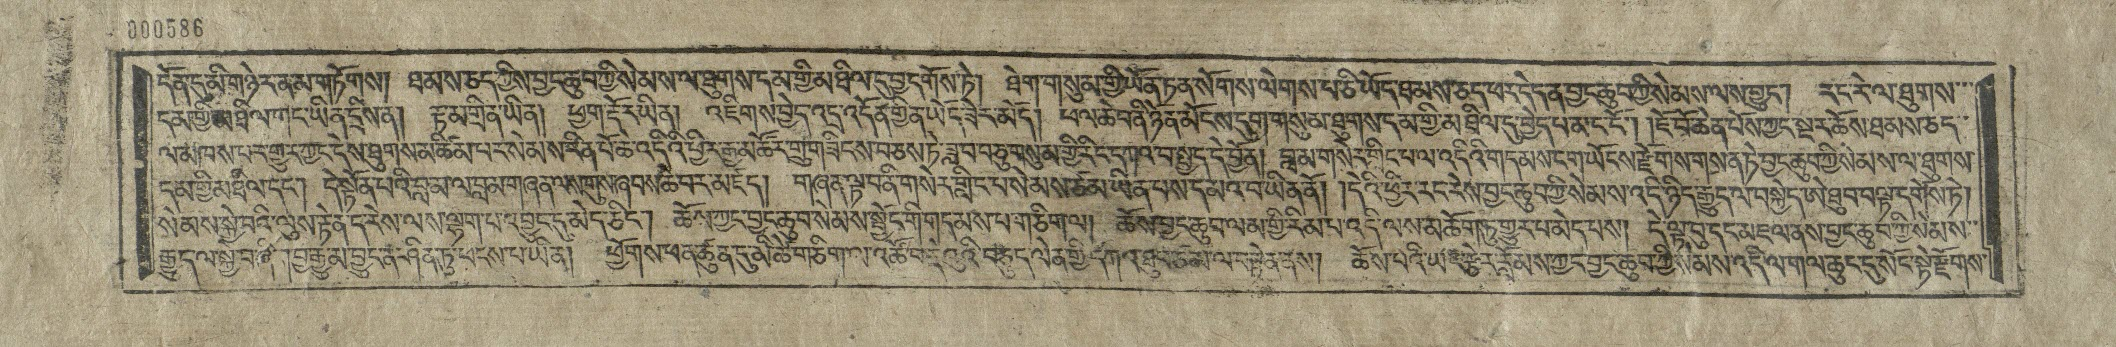དོན་དུ་མི་གཉེར་ན་མ་གཏོགས། ཐམས་ཅད་ཀྱིས་བྱང་ཆུབ་ཀྱི་སེམས་ལ་ཐུགས་དམ་གྱི་མཐིལ་དུ་བྱ་དགོས་ཏེ། ཐེག་གསུམ་གྱི་ཡོན་ཏན་སོགས་ལེགས་པ་ཅི་ཡོད་ཐམས་ཅད་ཕར་དེད་ན་བྱང་ཆུབ་ཀྱི་སེམས་ལས་བྱུང་། རང་རེ་ལ་ཐུགས་
དམ་གྱི་མཐིལ་གང་ཡིན་དྲིས་ན། རྟ་མགྲིན་ཡིན། ཕྱག་རྡོར་ཡིན། འཇིགས་བྱེད་འདྲ་འདོན་གྱིན་ཡོད་ཟེར་མོད། ཕལ་ཆེ་བ་ནི་ཉོན་མོངས་དུག་གསུམ་ཐུགས་དམ་གྱི་མཐིལ་དུ་བྱེད་པ་མང་ངོ། །ཇོ་བོ་ཆེན་པོས་ཀྱང་སྔར་ཆོས་ཐམས་ཅད་
ལ་མཁས་པར་གྱུར་ཀྱང་དེས་ཐུགས་མ་ཚིམ་པར་སེམས་རིན་པོ་ཆེ་འདིའི་ཕྱིར་རྒྱ་མཚོར་གྲུ་གཟིངས་བཅས་ཏེ་ཟླ་བ་བཅུ་གསུམ་གྱི་རིང་དཀའ་བ་སྤྱད་དེ་བྱོན། བླ་མ་གསེར་གླིང་པ་ལ་འདིའི་གདམས་ངག་ཡོངས་རྫོགས་གསན་ཏེ་བྱང་ཆུབ་ཀྱི་སེམས་ལ་ཐུགས་
དམ་གྱི་མཐིལ་དང་། དེ་སྟོན་པའི་བླ་མ་ལ་བླ་མ་གཞན་ལས་གུས་ཞབས་ཆེ་བར་མཛད། གཞན་ལྟ་བ་ནི་གསེར་གླིང་པ་སེམས་ཙམ་ཡིན་པས་དམའ་བ་ཡིན་ནོ། །དེའི་ཕྱིར་རང་རེས་བྱང་ཆུབ་ཀྱི་སེམས་འདི་ཉིད་རྒྱུད་ལ་བསྐྱེད་ཨེ་ཐུབ་བལྟ་དགོས་ཏེ།
སེམས་སྐྱེ་བའི་ལུས་རྟེན་ད་རེས་ལས་ལྷག་པ་འབྱུང་དུ་མེད་ཅིང་། ཆོས་ཀྱང་བྱང་ཆུབ་སེམས་སྦྱོང་གི་གདམས་པ་གཅིག་ལ། ཆོས་བྱང་ཆུབ་ལམ་གྱི་རིམ་པ་འདི་ལས་མཆོག་ཏུ་གྱུར་པ་མེད་པས། དེ་ལྟ་བུ་དང་མཇལ་ནས་བྱང་ཆུབ་ཀྱི་སེམས་
རྒྱུད་ལ་སྐྱེ་བ་ཞིག་བྱ་རྒྱུ་མ་བྱུང་ན་ཤིན་ཏུ་ཕངས་པ་ཡིན། ཕྱོགས་ཕན་ཚུན་དུ་མི་ཚེ་གཅིག་ལ་འཚོ་བ་རྡེའུའི་བཅུད་ལེན་གྱི་དཀའ་ཐུབ་ཙམ་ལ་བརྟེན་ནས། ཆོས་པའི་ཡང་རྩེར་རློམས་ཀྱང་བྱང་ཆུབ་ཀྱི་སེམས་འདི་ལ་གལ་ཆུང་དུ་སོང་སྟེ་རྫོགས་